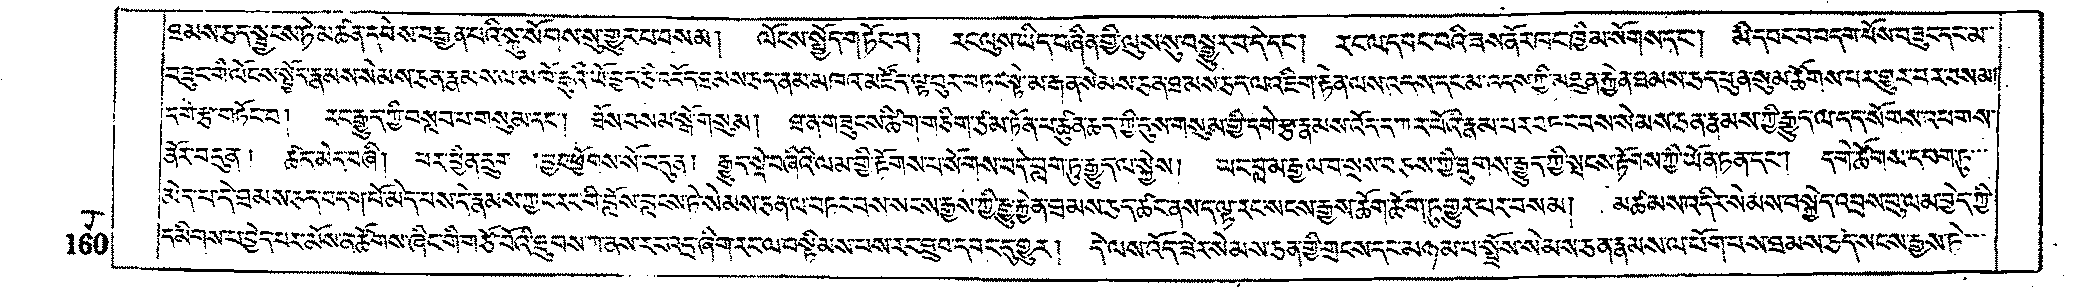ཐམས་ཅད་སྦྱངས་ཏེ་མཚན་དཔེས་བརྒྱན་པའི་སྐུ་སོགས་སུ་གྱུར་པ་བསམ། ལོངས་སྤྱོད་གཏོང་བ། རང་ལུས་ཡིད་བཞིན་གྱི་ལུས་སུ་བསྒྱུར་བ་དེ་དང་། རང་ལ་དབང་བའི་ཟས་ནོར་ཁང་ཁྱིམ་སོགས་དང་། མི་དབང་བ་བདག་པོས་བཟུང་དང་མ་་་
བཟུང་གི་ལོངས་སྤྱོད་རྣམས་སེམས་ཅན་རྣམས་ལ་མཁོ་རྒུའི་ཡོ་བྱད་ཅི་འདོད་ཐམས་ཅད་ནམ་མཁའ་མཛོད་ལྟ་བུར་བཏང་སྟེ་མ་རྒན་སེམས་ཅན་ཐམས་ཅད་ལ་འཇིག་རྟེན་ལས་འདས་དང་མ་འདས་ཀྱི་མཐུན་རྐྱེན་ཐམས་ཅད་ཕུན་སུམ་ཚོགས་པར་གྱུར་པར་བསམ།
དགེ་རྩ་གཏོང་བ། རང་རྒྱུད་ཀྱི་བསླབ་པ་གསུམ་དང་། ཐོས་བསམ་སྒོ་གསུམ། ཐ་ན་གཟུངས་ཚིག་གཅིག་ཙམ་ཏོན་པ་ཚུན་ཆད་ཀྱི་དུས་གསུམ་གྱི་དགེ་རྩ་རྣམས་འོད་དཀར་པོའི་རྣམ་པར་བཏང་བས་སེམས་ཅན་རྣམས་ཀྱི་རྒྱུད་ལ་དད་སོགས་འཕགས་
ནོར་བདུན། ཚད་མེད་བཞི། ཕར་ཕྱིན་དྲུག །བྱང་ཕྱོགས་སོ་བདུན། རྒྱུད་སྡེ་བཞིའི་ལམ་གྱི་རྟོགས་པ་སོགས་བདེ་བླག་ཏུ་རྒྱུད་ལ་སྐྱེས། ཡང་བླ་མ་རྒྱལ་བ་སྲས་བཅས་ཀྱི་ཐུགས་རྒྱུད་ཀྱི་སྤངས་རྟོགས་ཀྱི་ཡོན་ཏན་དང་། དགེ་ཚོགས་དཔག་ཏུ་་་
མེད་པ་དེ་ཐམས་ཅད་བདག་པོ་མེད་པས་དེ་རྣམས་ཀྱང་རང་གི་བློས་བླངས་ཏེ་སེམས་ཅན་ལ་བཏང་བས་སངས་རྒྱས་ཀྱི་རྒྱུ་རྐྱེན་ཐམས་ཅད་ཚང་ནས་ད་ལྟར་རང་སངས་རྒྱས་ཆོག་ཆོག་ཏུ་གྱུར་པར་བསམ། མཚམས་འདིར་སེམས་བསྐྱེད་འབྲས་བུ་ལམ་བྱེད་ཀྱི་
དམིགས་པ་བྱེད་པར་མོས་ན་ཚོགས་ཞིང་གི་གཙོ་བོའི་ཐུགས་ཀ་ནས་རང་འདྲ་ཞིག་རང་ལ་བསྟིམས་པས་རང་ཐུབ་དབང་དུ་གྱུར། དེ་ལས་འོད་ཟེར་སེམས་ཅན་གྱི་གྲངས་དང་མཉམ་པ་སྤྲོས་སེམས་ཅན་རྣམས་ལ་ཕོ་པས་ཐམས་ཅད་སངས་རྒྱས་ཏེ་་་